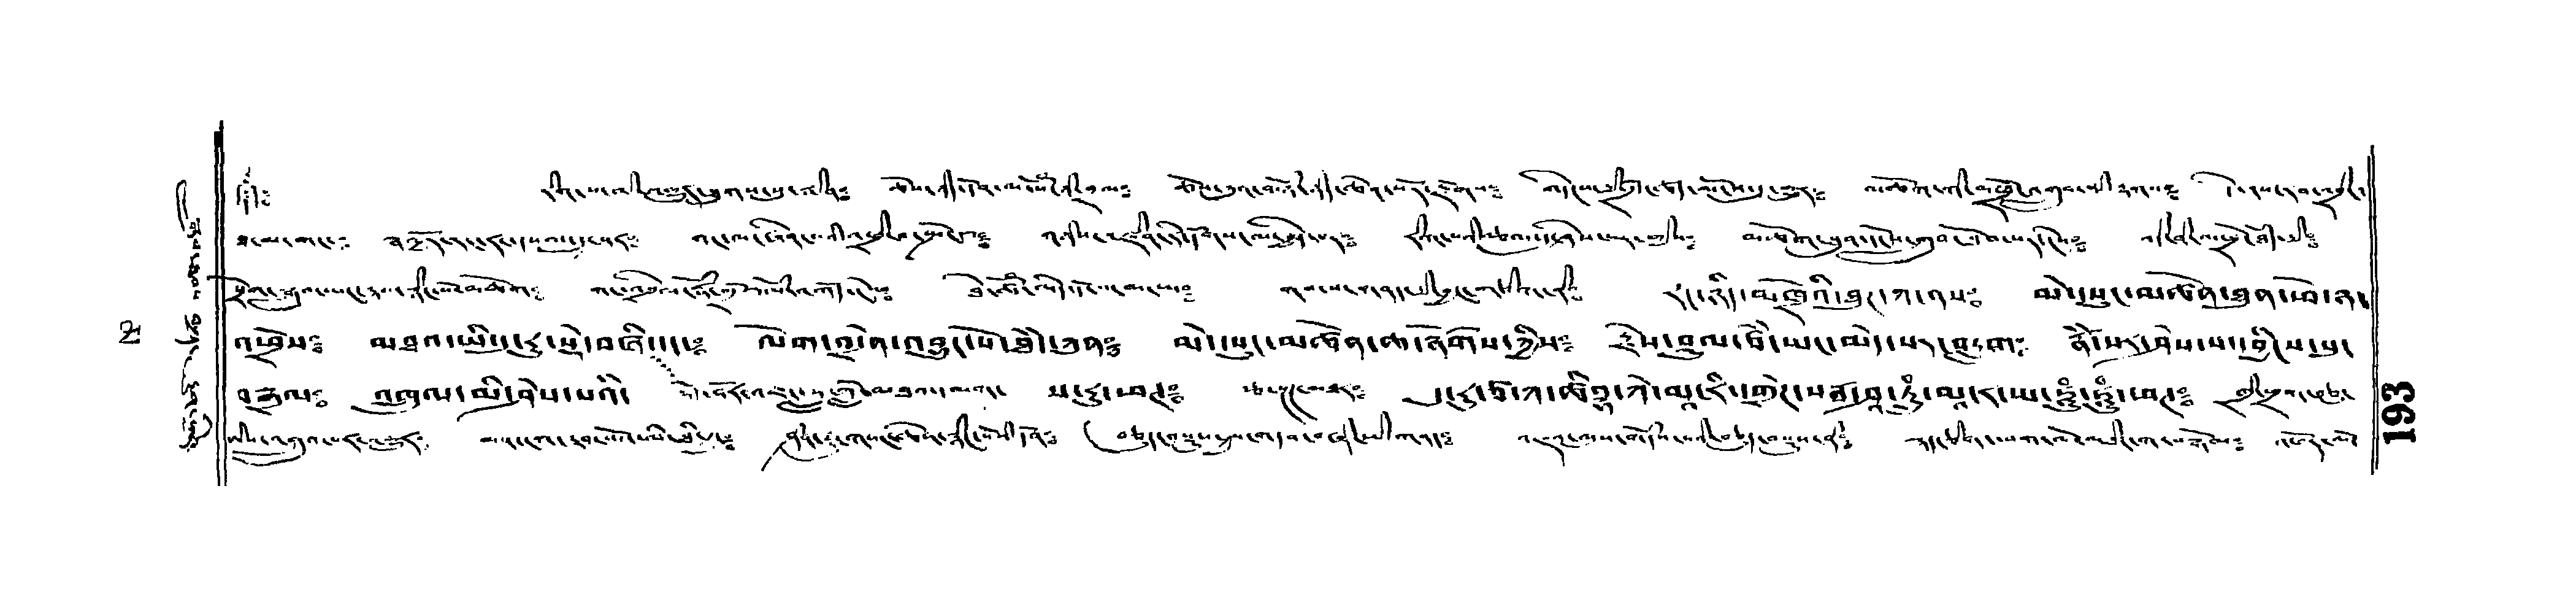རིག་པ་མི་འགྱུར་ཐུགས་སུ་སྨིན༔ ཆོས་ཉིད་དོན་ལ་སོམ་ཉི་བྲལ༔ ཆོས་ཀུན་མཉམ་ཉིད་ཆེན་པོར་རྫོགས༔ མཆོག་གི་མཁའ་འགྲོ་འགྲུབ་པའི་རྟགས༔ དེ་ནས་རབ་འབྲིང་
ཐ་མ་གང༔ རྣལ་འབྱོར་རང་རང་དཔལ་དུ་ཤར༔ གང་ལ་ཞེན་པའི་འཕྲི་བ་སྤོངས༔ གཉིས་འཛིན་རེ་དོགས་མ་བྱེད་པར༔ རིག་པའི་རྩལ་དུ་ཤེས་པར་གྱིས༔ མཆོག་ཐུན་དངོས་གྲུབ་ཐོར་པར་ངེས༔ འདི་ནི་མཁའ་འགྲོ་ཐམས་ཅད་ཀྱི༔ 
སྲོག་སྒྲུབ་ཡང་ཟབ་སྙིང་པོ་མཆོག༔གང་འབྲེལ་རྣམ་གྲོལ་ལམ་འགོད་ངེས༔ ཐེ་ཚོམ་མེད་དོ་ས་མ་ཡ༔ གབ་པ་གནད་ཀྱི་བྱང་གཅིག་ནི༔ རང་ཉིད་མཁའ་འགྲོའི་ཐུགས་ཀ་ནས༔ མེ་དཔུང་མཚོན་ཐུན་ཕོ་ཉ་
འཕྲོས༔ མཐའ་ཡི་དུ་རུ་སྡེ་བཞི་དང༔ ལོག་འདྲེན་འབྱུང་པོ་ཐམས་ཅད་ཀུན༔ མེ་དཔུང་མཚོན་ཆ་སྣ་ཚོགས་ཀྱིས༔ རྗེས་ཤུལ་ཙམ་ཡང་མེད་པར་བརླག༔ རྣམ་པར་ཤེས་པར་དབྱིངས་སུ་
བསྒྲལ༔ འཁྲུལ་མི་ཤེས་པའི་ས་རུ་ཕཊཿ རྩ་སྔགས་མཐར༔ དུ་རུ་ཙ་ཀ་ཚིནྡྷ་ཀེ་མཱ་རི་དགྲ་བགེགས་སརྦ་ཤཱ་ཏྲུཾ་མཱ་ར་ཡ་ཧཱུྃ་ཧཱུྃ་ཕཊཿ ཁྲི་ཕྲག་བཅུ་
ཡིས་འགྲུབ་པར་འགྱུར༔ མན་ངག་ཟབ་མོ་ཨི་ཐི་རྒྱ༔ ཤིན་ཏུ་གསང་ཆེན་སྙིང་པོའི་དོན༔ བཅུད་བསྡུས་རྒྱས་གདབ་བཞི་ཡི་གནད༔ འཇའ་ལུས་གདམས་པའི་བཅུད་བསྡུས་ནི༔ སྐད་ཅིག་ཕག་མོ་མཐིང་ག་བསྒོམ༔ འཁོར་ལོ་